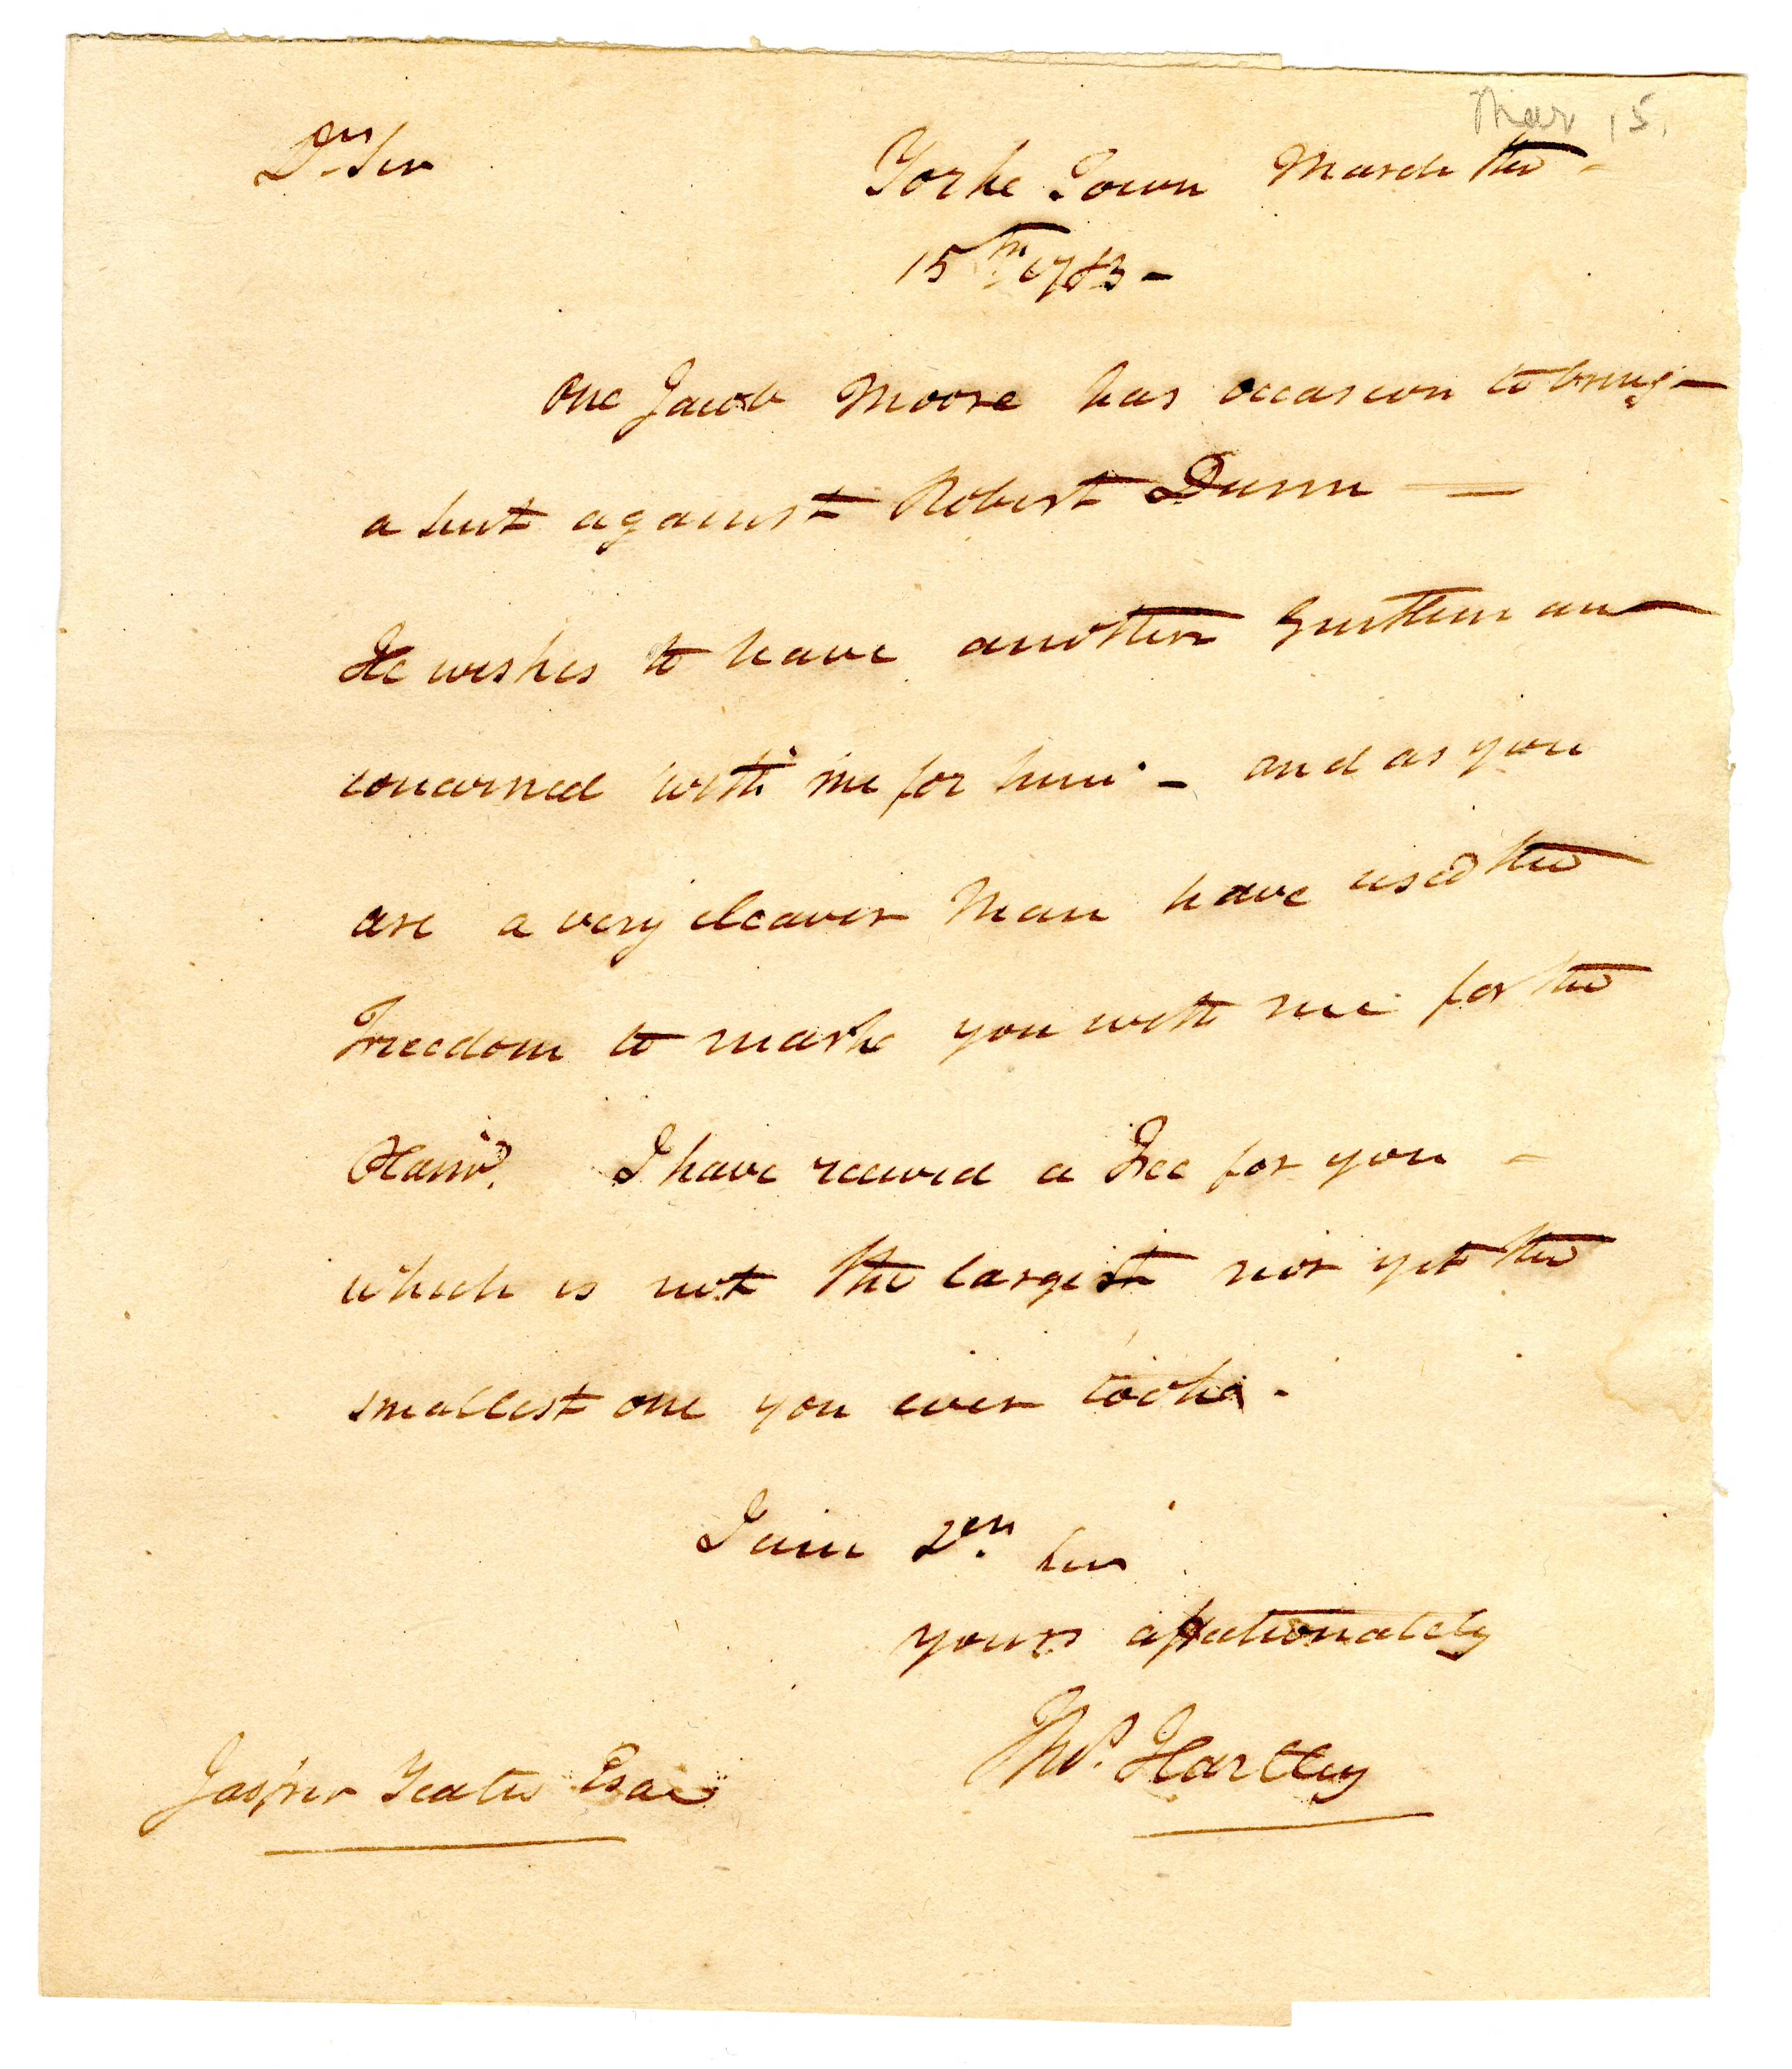D^r Sir
Yorke Town
March the
15^th 1783
one Jacob Moore has occasion to bring
a suit against Robert Dunn
He wishes to have another Gentleman
concerned with me for him, and as you
are a very cleaver Man have used the
Freedom to mark you with me for the
Plan. I have receved a fee for you
which is not the largest nor yet the
smallest one you ever took.
I am D^r Sir
yours affectionately
Tho^s. Hartley
Jasper Yeates Esq